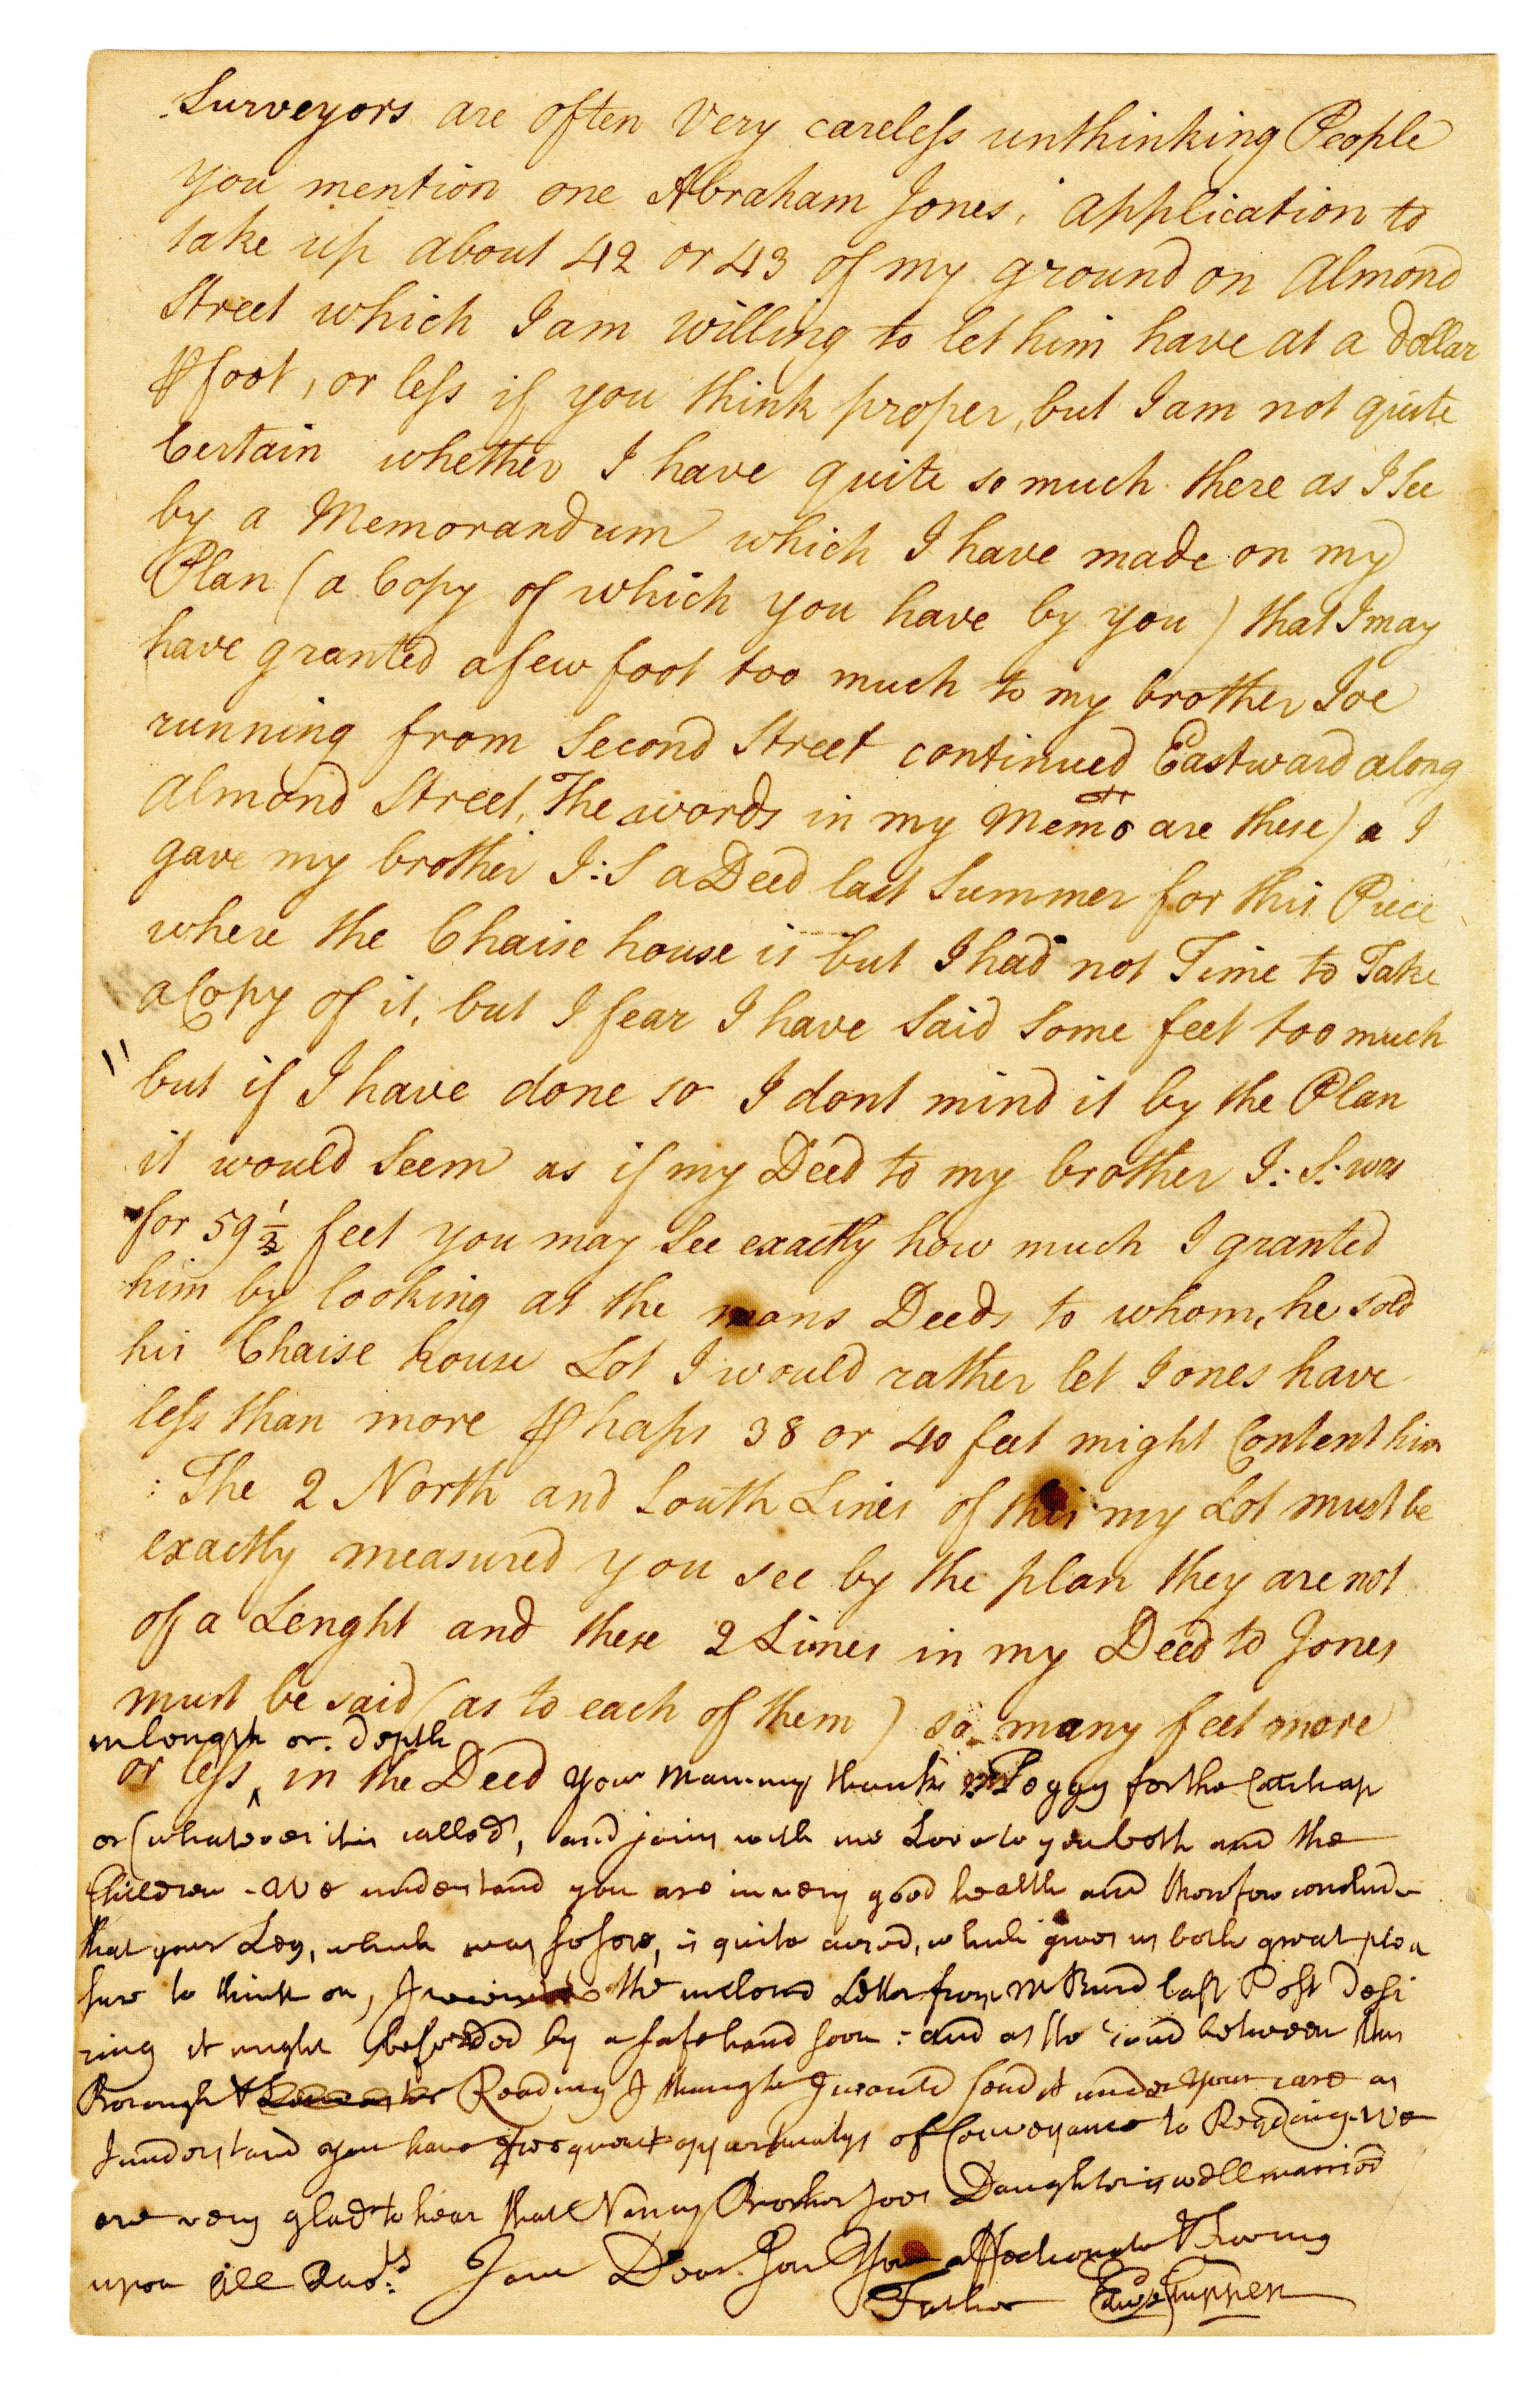Surveyors are often Very careless unthinking People
You mention one Abraham Jones, application to
take up about 42 or 43 of my ground on Almond
Street which I am willing to let him have at a dollar
per foot, or less if you think proper, but I am not quite
Certain whether I have quite so much there as I see
by a Memorandum which I have made on my
Plan ( a Copy of which you have by you) that I may
have granted a few foot too much to my brother Joe
running from Second Street continued Eastward along
Almond Street, The awards in my Memo are these) I
gave my brother J:S a Deed last Summer for this Piece
where the Chaise house is but I had not Time to Take
a Copy of it, but I fear I have said some feet too much
"but if I have done so I dont mind it by the Plan
it would seem as if my Deed to my brother J: S: was
for 59 1/2 feet you may see exactly how much I granted
him by looking at the mans Deeds to whom he sold
his Chaise house Lot I would rather let Jones have
less than more perhaps 38 or 40 feet might Content him
:The 2 North and South Lines of this my Lot must be
exactly measured You see by the plan they are not
of a Lenght and these 2 Lines in my Deed to Jones
must be said (as to each of them) so many feet more
in length or depth
or less ^in the Deed Your Mammy thanks Peggy for the Catchap
or (whatever it is called, and joins with me Love to you both and the
Children -we understand you are in very good health and therefore conclude
that your Leg, which was so sore, is quite cured, which gives us both great plea
sure to think on, I received the inclosd Letter from M Burd last Post desi
ring it might be forwarded by a safe hand soon. -and as the road between this
Borough [________] Reading I thought I would Send it under Your care as
I understand you have two great opportunitys of Conveyance to Rending. We
an very glad to hear that Nancy Brother Joes Daughter is well married
upon all Acc:^ts
I am Dear Son Your affectionate & Loving
Father Edwd Shippen